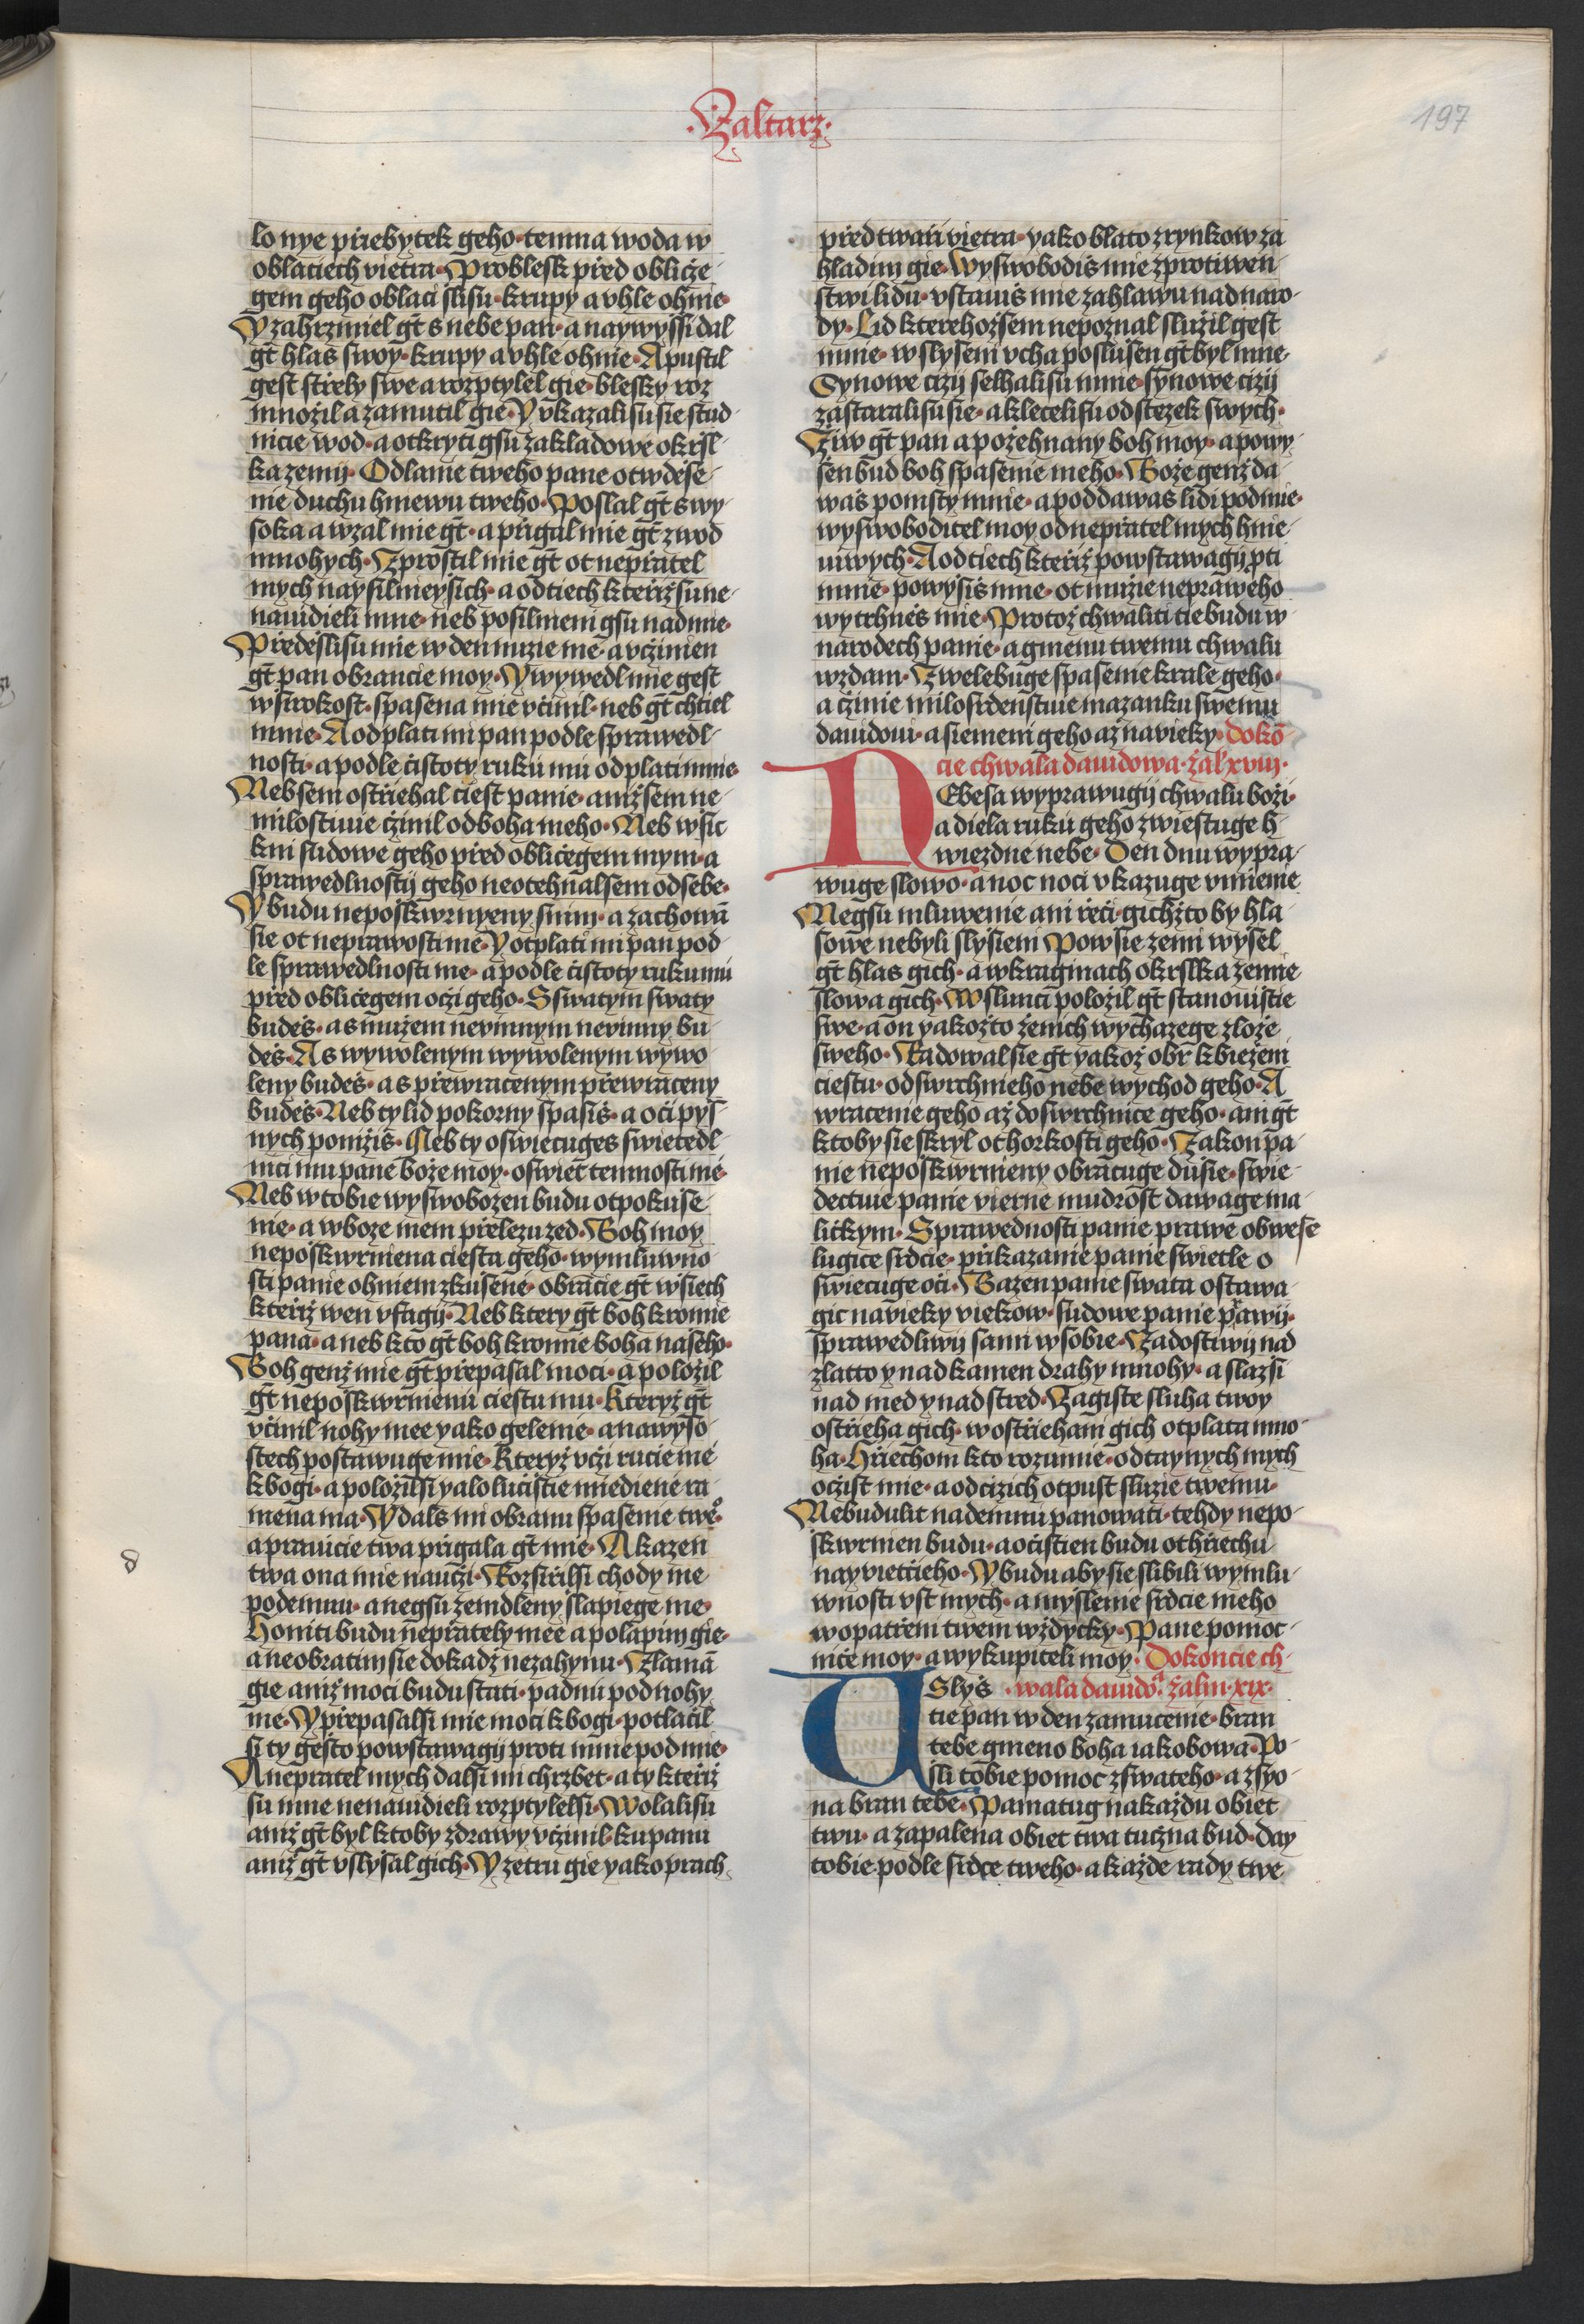lo nye pṙiebytek geho.temna woda w
oblaciech vietra.Probleſk pṙed oblicże¬
gern geho oblaci ẛliſu.krupy a uhle ohnie.
Yzahrzmiel ḡt s nebe pan.a naywyẛẛí dal
ḡt hlas ſwoy.krupy a uhlé ohnie.A puſtil
geſt ſtṙely ſwe a rozptylel gie.bleſky roz¬
mnożil a zamutil gie.Y ukazali ſu ſie ſtud¬
nicie wod.a otkryti gſu zakladowé okrẛl¬
ka zemij.Odlanie tweho pane otwdeẛe¬
nie duchu hnewu tweho.Poſlal ḡt s wy¬
ſoka a wzal mie ḡt.a pṙigal mie ḡt z wod
mnohych.Zproſtil mie ḡt ot nepṙatel
mych nayſilneyẛích a odtiech kteṙiž ſu ne¬
navidieli mne.neb poſilnieni gſu nadmie.
Předeẛliſu mie w den mrzie mé.a ucżinien
ḡt pan obrancie moy.Ywywedl mie geſt
wẛirokoſt.ſpaſena mie uċinil.neb ḡt chtiel
mnie.A odplati mi pan podle ſprawedl¬
noſti.a podle toty rukú mú odplatí mnie.
Neb ſem oſtṙíehal cieſt panie.aniżſem ne¬
miloſtivie cżinil odboha meho.Neb wẛic¬
kni ſudowe geho pṙed obliċegem mym.a
ſprawedlnoſtij geho neotehnalſem odſebe.
Y budu nepoẛkwrnyeny ſním.a zachowā
ſie ot neprawoſti mé.Y otplati mi pan pod¬
le ſprawedlnoſti me.a podle ċiſtoty ruku mú
pṙed obliċegem ocżi geho.Sſwatym ſwaty
budeṡ.a s mużem nevinnym nevinny bu¬
deṡ.A s wywolenym wywolenym wywo¬
leny budeṡ.a s pṙewracenym pṙewraceny
budeṡ.Neb ty lid pokorny ſpaſiṡ.a oċí pyẛ¬
nych poniżiṡ.Neb ty oſwiecuges ſwietedl¬
nici mu pane boże moy.oſwiet temnoſti mé.
Neb w tobie wyſwobozen budu otpokuẛe¬
nie.a wboze mem pṙelezu zed.Boh moy
nepoẛkwrniena cieſta geho.wymluwno¬
ſti panie ohniem zkuẛené.obracie ḡt wẛiech
kteṙiż weri ufagij.Neb ktery ḡt boh kromie
pana.a neb kto ḡt boh kromie boha naẛeho.
Boh genż mie ḡt pṙepaſal moci.a polożil
ḡt nepoẛkwrnienú cieſtu mu.Kteryż ḡt
uċinil nohy mee yako geleníe.anawyſo¬
ſtech poſtawuge mie.Kteryż ucżí rucie mé
k bogi.a polożilſi yalo luċiẛtie miediené ra¬
mena ma.Ydals mi obranu ſpaſeníe tweo.
a pravicie twa pṙigala ḡt me.A kazen
twa ona mie naucżí.Rozſiṙilſi chody me
podemnu.a negſu zemdleny ẛlapiege me.
Honiti budu nepṙately mee a polapím gie.
a neobratim ſie dokadż nezahynu.Zlama¬
gie aniž moci budu ſtati.padnú pod nohy
mé.Y pṙepaſalſi mie mocí k bogi.potlaċil
ſy ty geẛto prowſtawagij proti mne pod mie.
A nepratel mych dalſi mi chrzbet.a ty kteṙiż
ſu mne nenavidieli rozptylelſi.Wolaliſu
aniż ḡt byl k toby zdrawy ucżinil.ku panu
aniż ḡt oſlyẛal gich.Y zetru gie yako prach
.Żaltarz.
před twaṙí vietra.yako blato z rynkow za¬
hladím gie.Wywobodiṡ mie zprotiwen¬
ſtwí lidu.uſtaviṡ mie zahlawu nad naro¬
dy.Lid kterehožſem nepoznal lužil geſt
mnie.w ſlyẛeni ucha luẛen ḡt byl mne.
Synowe cizij u nmie.ſynowe cizij
zaſtaraliſu ſie.a kleceliſú odſtezek ſwych.
Żiw ḡt pan a pożehnaný boh moy.a powy¬
ẛen bud boh ſpaſeníe meho.Boże genž da¬
waṡ pomſty mnie.a poddawas lidi podmie.
wyſwoboditel moy odnepṙatel mych hnie¬
viwych.Aod tiech kteṙiż powſtawagij.ꝓti
mnie.powyẛiṡ mne.ot mużie nepraweho
wytrhneṡ mie.Protoż chwaliti tie budu w
narodech panie.a gmenu twemu chwalu
wzdam.Zwelebuge ſpaſeníe krale geho.
a cżinie miloſrdenſtvie mazanku ſwemu
davidovi.a ſiemeni geho až navieky.dokō
cie chwala davidowa.żal xviij.
Ebeſa wyprawugij chwalu bożí.
a diela rukú geho zwieſtuge h¬
wiezdné nebe.Den dnu wypra¬
wuge ſlowo.a noc noci ukazuge umienie
Negſu mluweníe ani ṙeċi.gichżto by hla¬
ſowe nebyli ſlyẛieni Powẛie zemi wyẛel
ḡt hlas gich.a wkraginach okrſlka zemie
ſlowa gich.Wſlunci položil ḡt ſtanoviẛtie
ſwe.a on yakożto żeních wychazege zloże
ſweho.Radowalſie ḡt yakoż obr k bieżení
cieſtu.odſwrchnieho nebe wychod geho.A
wracenie geho až doſwrchnice geho.ani ḡt
ktoby ie ſkryl othorkoſti geho.Zakon pa¬
nie nepoẛkwrnieny obratuge duẛie.ſwie¬
dectuíe panie vierne mudroſt dawage ma¬
liċkym.Sprawedlnoſti panie prawe obweſe¬
lugice ſrdcie.pṙikazaníe panie ſwietle o¬
wiecuge oċi.Bazen panie ſwata oſtawa¬
gic navieky viekow.ſudowe panie prawij.
ſprawedliwij ſami wſobie.Zadoſtiwij nad
zlatto y nad kamen drahy mnohy.a slazẛí
nad med y nad ſtred.Zagiſte ſluha twoy
oſṙieha gich.w oſtṙiehaní gich otplata mno¬
ha.Hṙíechom kto rozumie.odtaynych mych
ocżiſt mie.a od cizích otpuſt ſluzie twemu.
Nebudulit nademnú panowati.tehdy nepo¬
ẛkwrnien budu.a oċiſtien budu othṙiechu
nayvietċíeho.Y budu aby ſie ſlibili wymlu¬
wnoſti uſt mych.a myẛlenie ſrdcie meho
w opatṙení twem wżdycky.Pane pomoc¬
níċe moy.a wykupiteli moy.Dokoncie ch¬
Slyṡ.wala davidoa.żalm.xix.
tie pan w den zamuceníe.bran
tebe gmeno boha iakobowa.Po¬
ẛli tobie pomoz zſwateho.a zſyo¬
na bran tebe.Pamatug nakażdu obiet
twu.a zapalena obiet twa tucżna bud.day
tobie podle ſrdce tweho.a każde rady twe